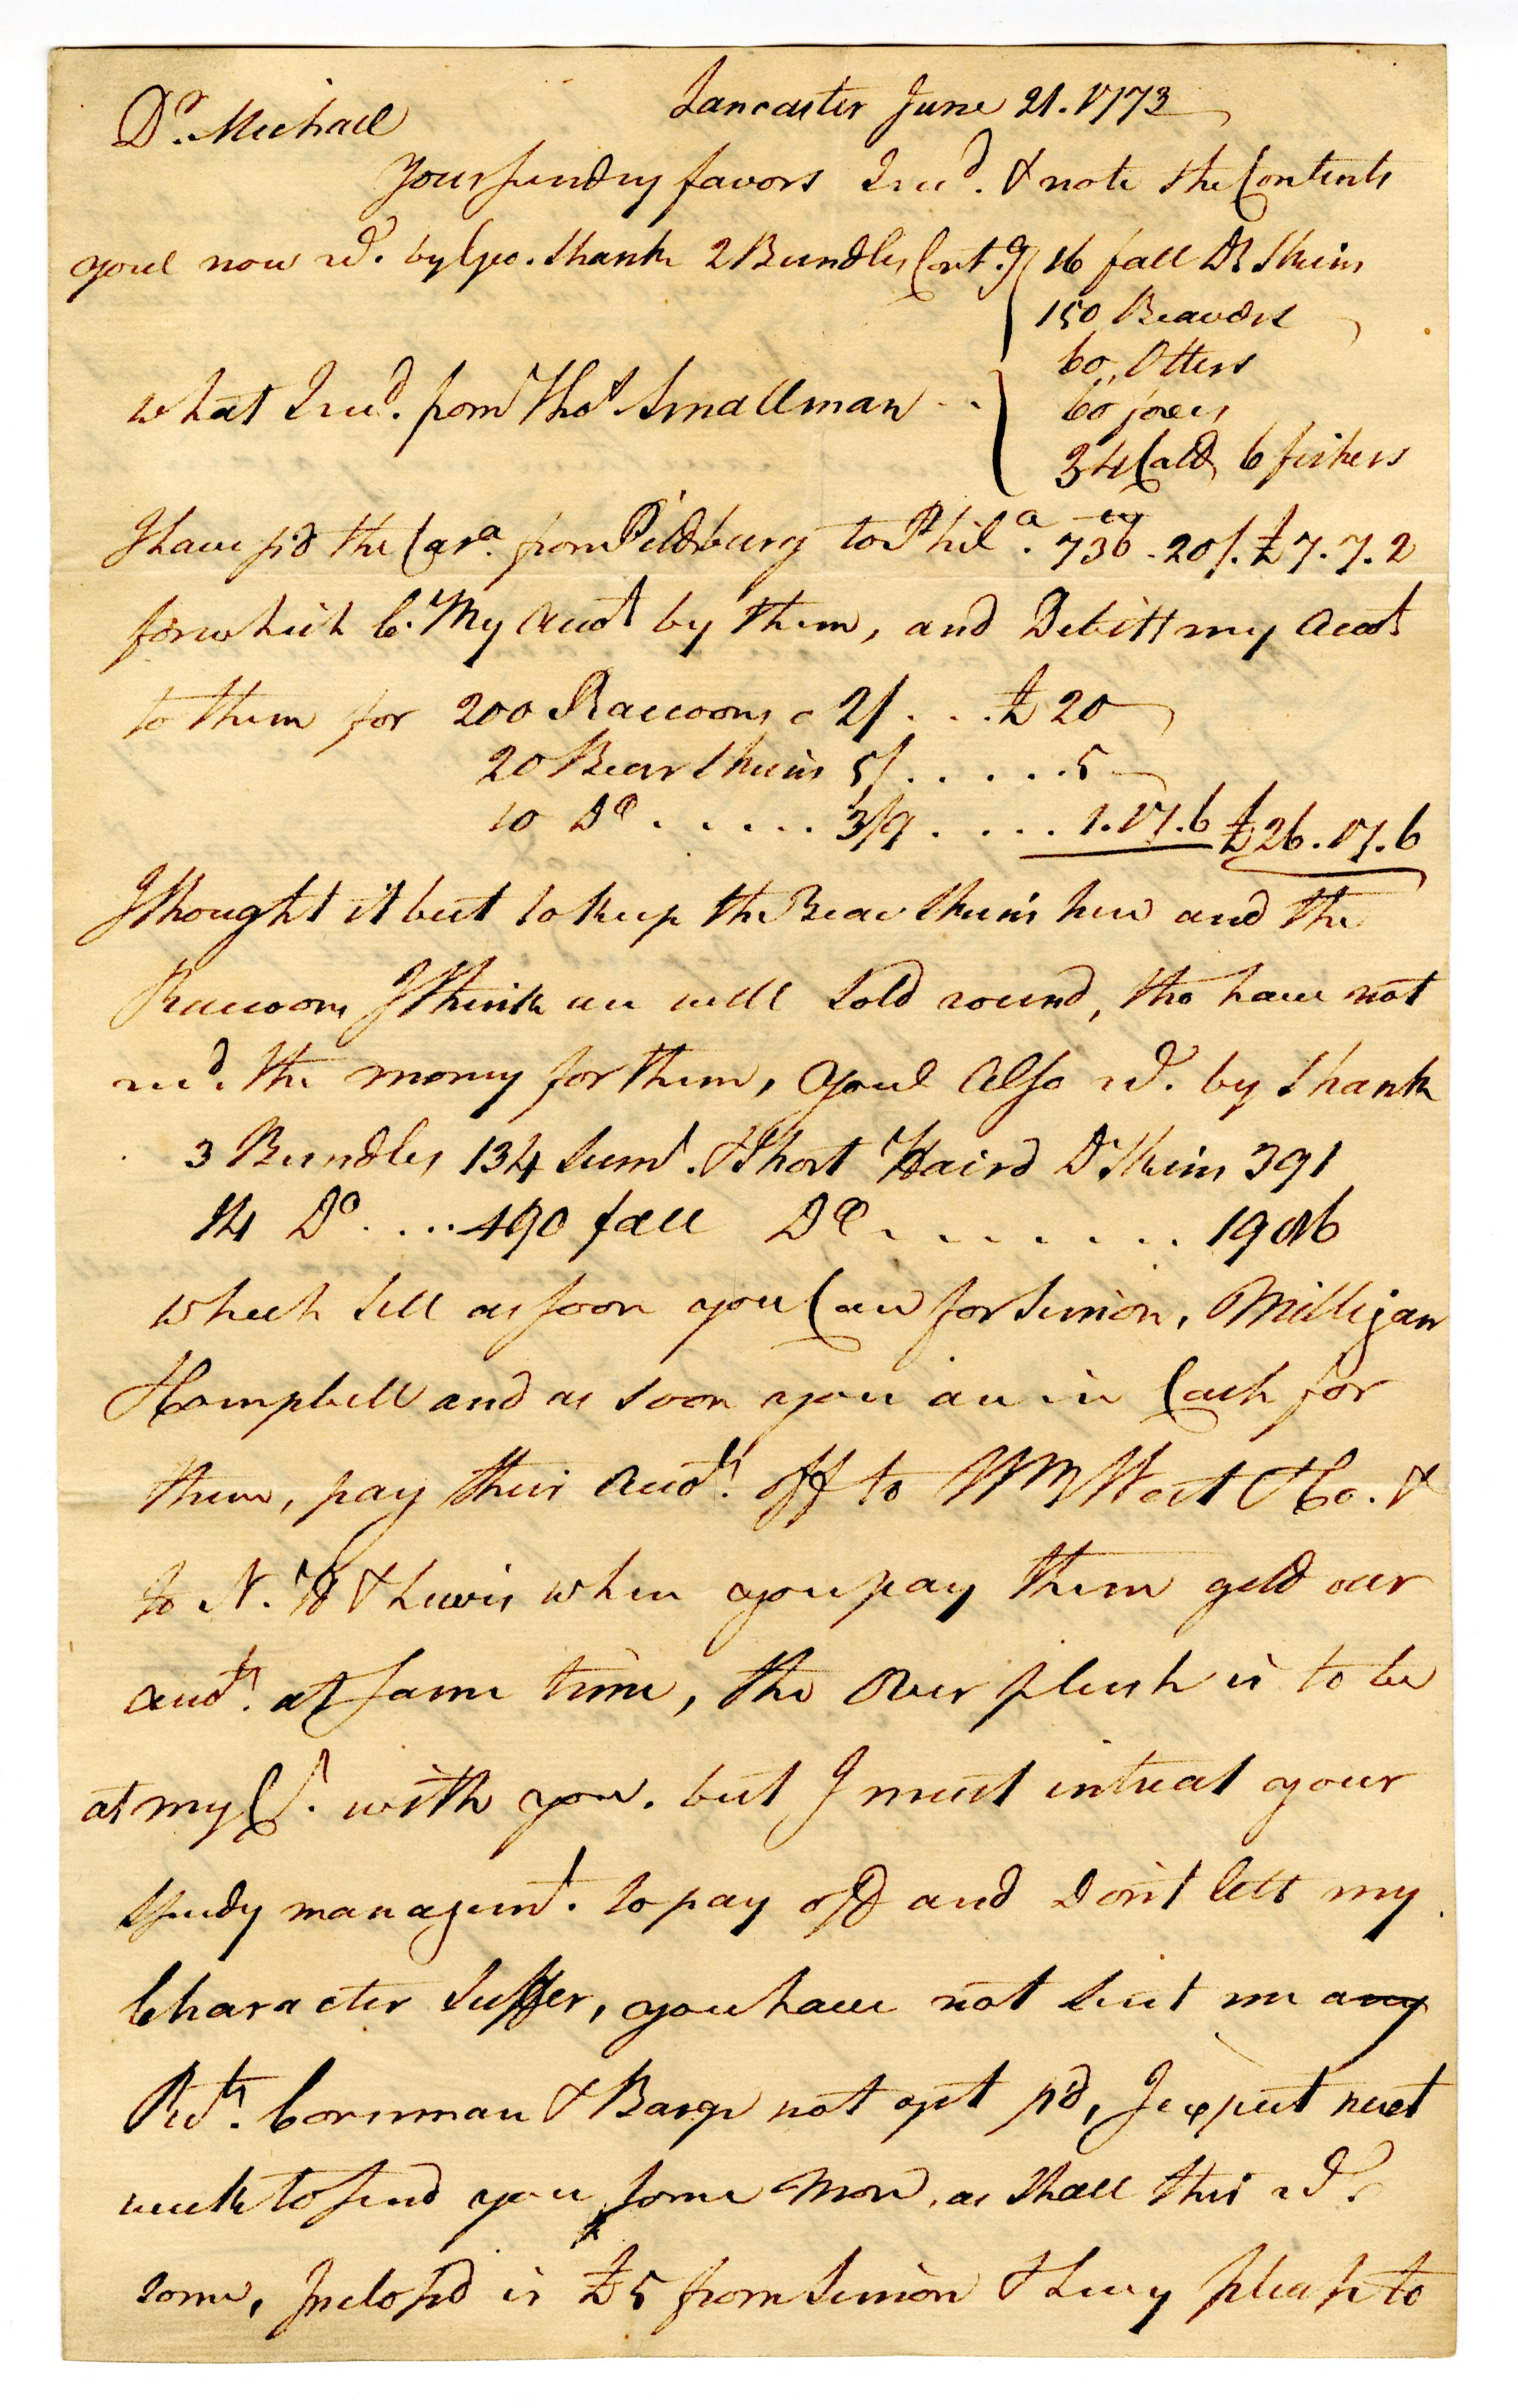Lancaster June 21. 1773
D^r. Michael
Your sundry favors I rec^d. & note the Contents
youl now re^e. by Geo. Shank 2 Bundles Cont.^g 16 fall D^r. Skin
what I re^d. from Tho^s Smallman
150 Beavers
60. Otter
60 foxes
34 Cald 6 feikers
I have p^d the Car^a. from Pitdsburg to Phil^a 736.20s. £7.7.2
for which 6. My acco^t by them, and Debitt my Acco^t.
to them for 200 Racoons a 2s... £20
20 Bear Skins 5s . . . . . 5
10 D^o . . . . . 3s9 . . . . 1.17.6 £26.17.6
I thought it but to keep the Bear skins here and the
Raccoon I think are well Sold round, tho have not
rec^d. the money for them, youl Also re^e. by Shank
3 Bundles 134 Sum^r. & short Haird D^r Skin 39s
14 D^o.... 490 fall D^o..... 1906
whech Sell as soon you Can for Simon, Milligan
& Campbell and as soon you are in Cash for
them, pay their acco^t. off to W^m West &Ca. &
to N. J. & H Lewis when you pay them getd our
acco^ts. at same time, the rear plush is to be
at my C^r. with you. but I must intrust your
speedy managem^t. to pay ofd and Don't lett my
Character Suffer, you have not sent me any
Rec^ts. Cormman & Barge not yet p^d, I expect next
week to send you some more, as shall this re^e
some, inclosed is £5 from Simon & Levy please to